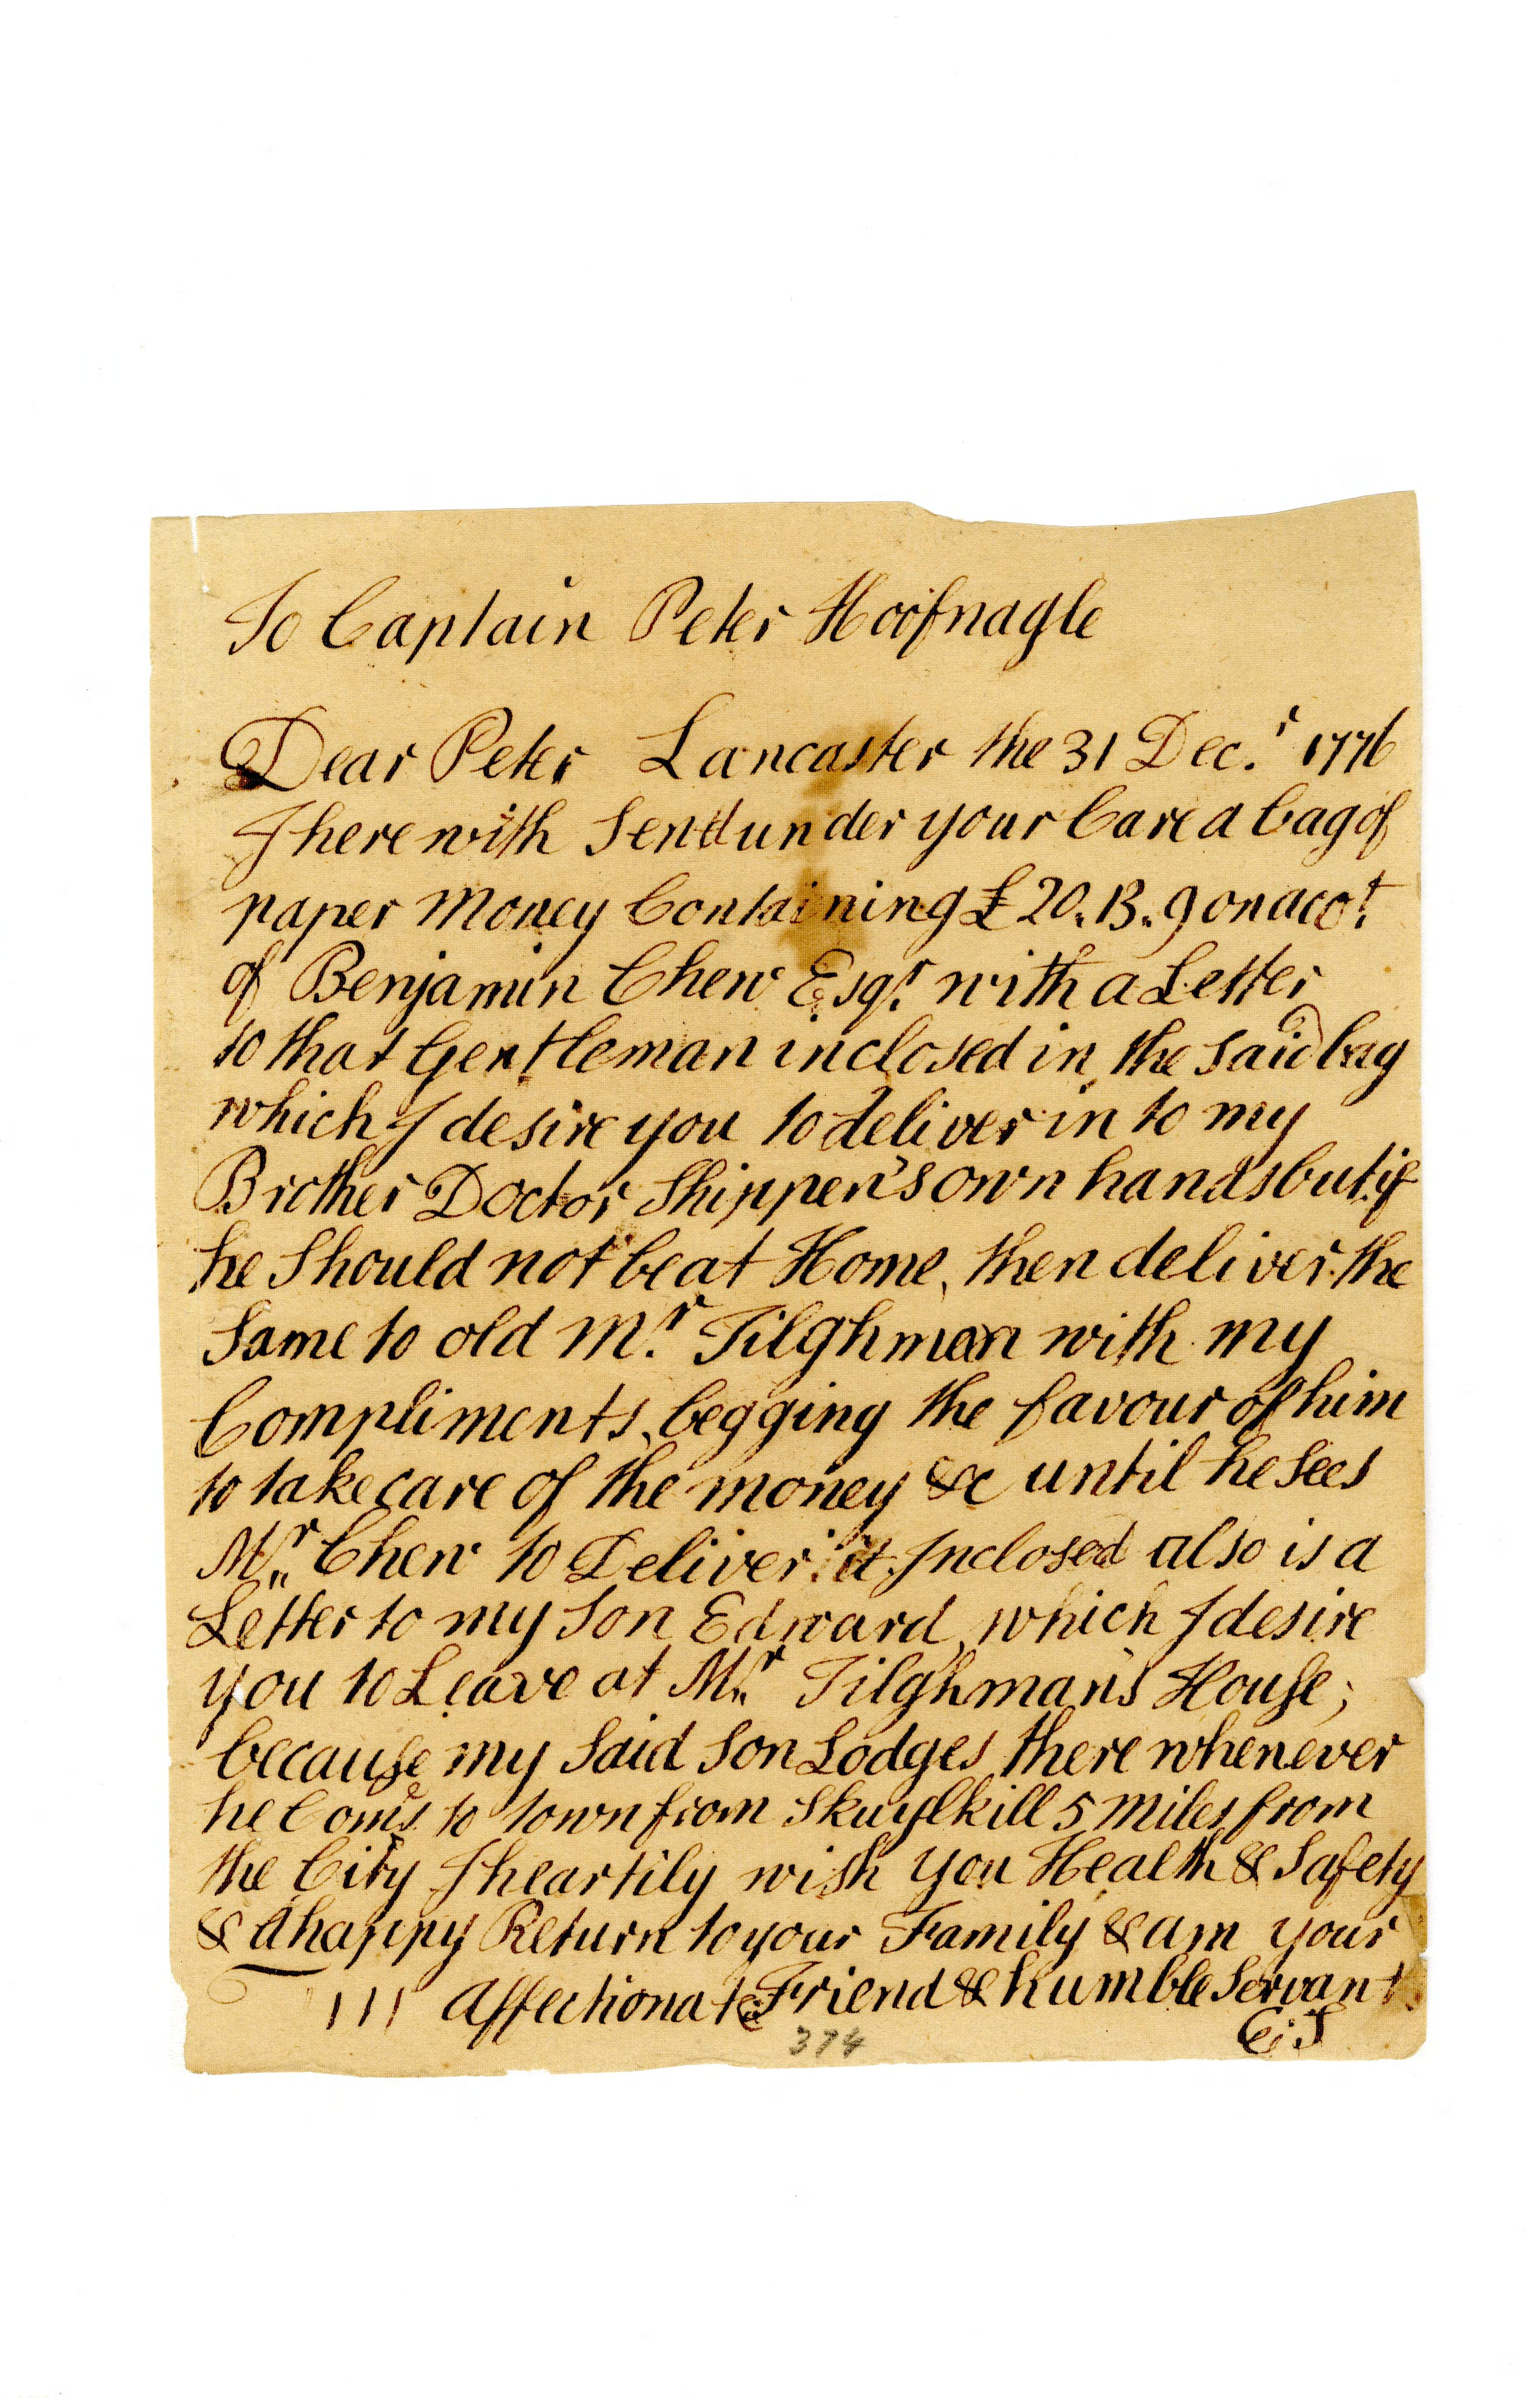To Captain Peter Hoofnagle
Lancaster the 31 Dec.^r 1776
Dear Peter
I here with Send under Your Care a bag of
paper Money Containing £20..13..9 on aco^t.
of Benjamin Chew Esq^r. with a Letter
so that Gentleman inclosed in the said bag
which I desire you to deliver in to my
Brother Doctor Shippen's own hands but if
he Should not be at Home, then deliver the
Same to old M^r. Tilghman with my
Compliments, begging the favour of him
to take care of the money &c until he sees
M^r. Chew to Deliver it. Inclosed also is a
Lefter to my Son, Edward, Which I desire
You to Leave at M^r. Tilghman's House;
because my Said Son Lodges there whenever
he Comes to town from Skuylkill 5 Miles from
the City I heartily wish You Health & Safety
& A happy Return to your Family
& am Your
Affectionate Friend & humble Servant
E:S